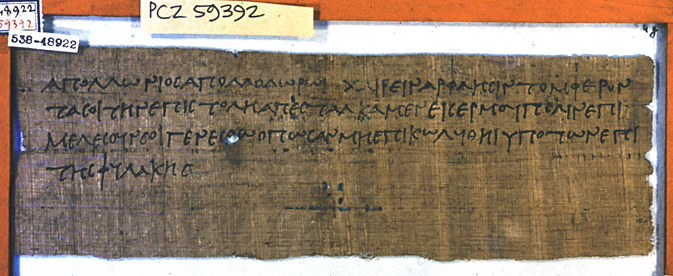απολλωνιοϲαπολλοδωρωιχαιρειναρφαηϲιντομφερον
ταϲοιτηνεπιϲτοληαπεϲταλκαμενειϲερμουπολινεπι
μελεϲουνϲοιγενεϲθωοπωϲανμηεπικωλυθηιυποτωνεπι
τηϲφυλακηϲ